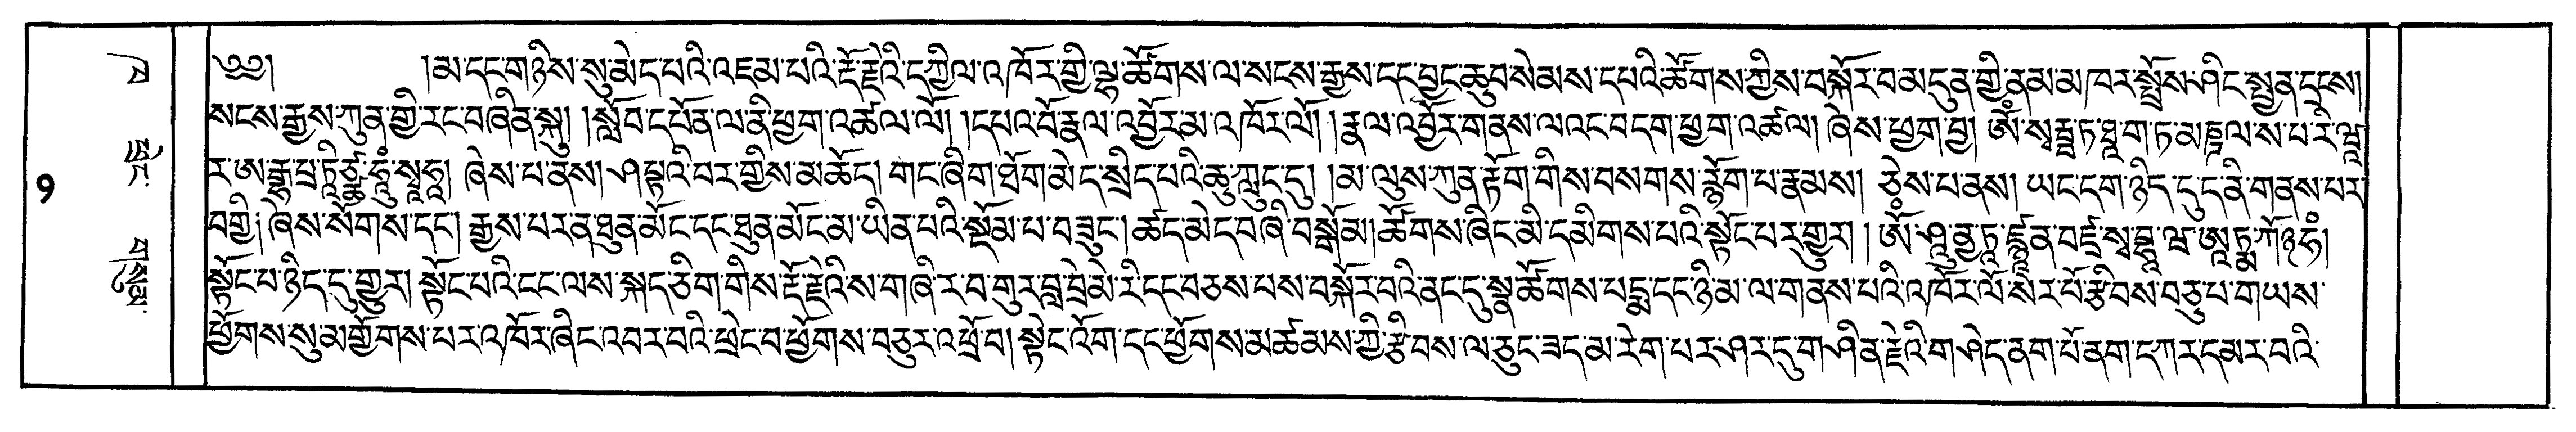༄༅། །མ་དང་གཉིས་སུ་མེད་པའི་འཇམ་པའི་རྡོ་རྗེའི་དཀྱིལ་འཁོར་གྱི་ལྷ་ཚོགས་ལ་སངས་རྒྱས་དང་བྱང་ཆུབ་སེམས་དཔའི་ཚོགས་ཀྱིས་བསྐོར་བ་མདུན་གྱི་ནམ་མཁར་སྤྲོས་ཤིང་སྤྱན་དྲངས།
སངས་རྒྱས་ཀུན་གྱི་རང་བཞིན་སྐུ། །སློབ་དཔོན་ལ་ནི་ཕྱག་འཚལ་ལོ། །དཔའ་བོ་རྣལ་འབྱོར་མ་འཁོར་ལོ། །རྣལ་འབྱོར་གནས་ལའང་བདག་ཕྱག་འཚལ། ཞེས་ཕྱག་བྱ། ཨོཾ་སྭརྦྦ་ཏ་ཐཱ་ག་ཏ་མཎྜལ་ས་པ་རི་ཝཱ་
ར་ཨ་རྒྷ་པྲ་ཏཱི་ཙྪ་ཧཱུཾ་སྭཱ་ཧཱ། ཞེས་པ་ནས། ཤཔྟའི་བར་གྱིས་མཆོད། གང་ཞིག་ཐོག་མེད་སྲིད་པའི་ཆུ་ཀླུང་དུ། །མ་ལུས་ཀུན་རྟོག་གིས་བསགས་རྙོག་པ་རྣམས། ཅེས་པ་ནས། ཡང་དག་ཉིད་དུ་ད་ནི་གནས་པར་
བགྱི༑ ཞེས་སོགས་དང་། རྒྱས་པར་ན་ཐུན་མོང་དང་ཐུན་མོང་མ་ཡིན་པའི་སྡོམ་པ་བཟུང་། ཚད་མེད་བཞི་བསྒོམ། ཚོགས་ཞིང་མི་དམིགས་པའི་སྟོང་པར་གྱུར། །ཨོཾ་ཤཱུ་ནྱ་ཏཱ་ཛྙཱ་ན་བཛྲ་སྭ་བྷཱ་ཝ་ཨཱ་ཏྨ་ཀོ་ཉ་ཧཾ།
སྟོང་པ་ཉིད་དུ་གྱུར། སྟོང་པའི་ངང་ལས་སྐད་ཅིག་གིས་རྡོ་རྗེའི་ས་གཞི་ར་བ་གུར་བླ་བྲེ་མེ་རི་དང་བཅས་པས་བསྐོར་བའི་ནང་དུ་སྣ་ཚོགས་པདམ་དང་ཉི་མ་ལ་གནས་པའི་འཁོར་ལོ་སེར་པོ་རྩིབས་བཅུ་པ་གཡས་
ཕྱོགས་སུ་མགྱོགས་པར་འཁོར་ཞིང་འབར་བའི་ཕྲེང་བ་ཕྱོགས་བཅུར་འཕྲོ་བ། སྟེང་འོག་དང་ཕྱོགས་མཚམས་ཀྱི་རྩིབས་ལ་ཅུང་ཟད་མ་རེག་པར་ཤར་དུ་གཤིན་རྗེའི་གཤེད་ནག་པོ་ནག་དཀར་དམར་བའི་